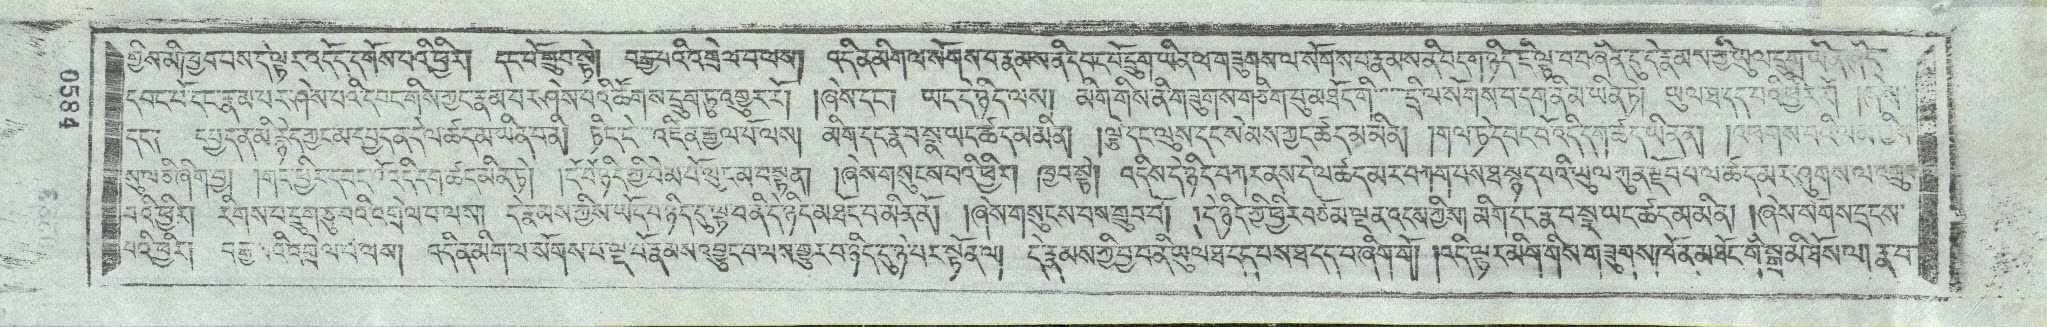གྱིས་མི་ཁྱབ་པས་དེ་ལྟར་འདོད་དགོས་པའི་ཕྱིར། དང་པོ་གྲུབ་སྟེ། བརྒྱ་པའི་འགྲེལ་བ་ལས། འདི་ན་མིག་ལ་སོགས་པ་རྣམས་ནི་དབང་པོ་དྲུག་ཡིན་ལ་གཟུགས་ལ་སོགས་པ་རྣམས་ནི་བདག་ཉིད་ཇི་ལྟ་བ་བཞིན་དུ་དེ་རྣམས་ཀྱི་ཡུལ་དྲུག་ཡིན་ཞིང་
དབང་པོ་དང་རྣམ་པར་ཤེས་པའི་དབང་གིས་ཀྱང་རྣམ་པར་ཤེས་པའི་ཚོགས་དྲུག་ཏུ་འགྱུར་རོ། །ཞེས་དང་། ཡང་དེ་ཉིད་ལས། མིག་གིས་ནི་གཟུགས་གཅིག་པུ་མཐོང་གི་དྲི་ལ་སོགས་པ་དག་ནི་མ་ཡིན་ཏེ། ཡུལ་ཐ་དད་པའི་ཕྱིར་རོ། །ཞེས་
དང༑ དཔྱད་ན་མི་རྙེད་ཀྱང་མ་དཔྱད་ན་དེ་ལ་ཚད་མ་ཡིན་པ་ནི། ཏིང་ངེ་འཛིན་རྒྱལ་པོ་ལས། མིག་དང་རྣ་བ་སྣ་ཡང་ཚད་མ་མིན། །ལྕེ་དང་ལུས་དང་སེམས་ཀྱང་ཚད་མ་མིན། །གལ་ཏེ་དབང་པོ་འདི་དག་ཚད་ཡིན་ན། །འཕགས་པའི་ལམ་གྱིས་
སུ་ལ་ཅི་ཞིག་བྱ། །གང་ཕྱིར་དབང་པོ་འདི་དག་ཚད་མིན་ཏེ། །ངོ་བོ་ཉིད་ཀྱི་བེམ་པོ་ལུང་མ་བསྟན། །ཞེས་གསུངས་པའི་ཕྱིར། ཁྱབ་སྟེ། འདིས་དེ་ཉིད་བཀར་ནས་དེ་ལ་ཚད་མར་བཀག་པས་ཐ་སྙད་པའི་ཡུལ་ཀུན་རྫོབ་པ་ལ་ཚད་མར་ཤུགས་ལ་འགྲུབ་
པའི་ཕྱིར། རིགས་པ་དྲུག་ཅུ་པའི་འགྲེལ་བ་ལས། དེ་རྣམས་ཀྱི་ཡོད་པ་ཉིད་དུ་ལྟ་བ་ནི་དེ་ཉིད་མཐོང་བ་མིན་ནོ། །ཞེས་གསུངས་པས་གྲུབ་བོ། །དེ་ཉིད་ཀྱི་ཕྱིར་བཅོམ་ལྡན་འདས་ཀྱིས། མིག་དང་རྣ་བ་སྣ་ཡང་ཚད་མ་མིན། །ཞེས་སོགས་དྲངས་
པའི་ཕྱིར། བརྒྱ་པའི་འགྲེལ་བ་ལས། འདི་ན་མིག་ལ་སོགས་པ་ལྔ་པོ་རྣམས་འབྱུང་བ་ལས་གྱུར་བ་ཉིད་དུ་ཉེ་བར་སྟོན་ལ། དེ་རྣམས་ཀྱི་བྱ་བ་ནི་ཡུལ་ཐ་དད་པས་ཐ་དད་པ་ཞིག་གོ། །འདི་ལྟར་མིག་གིས་གཟུགས་ཁོ་ན་མཐོང་གི་སྒྲ་མི་ཐོས་ལ། རྣ་བ་